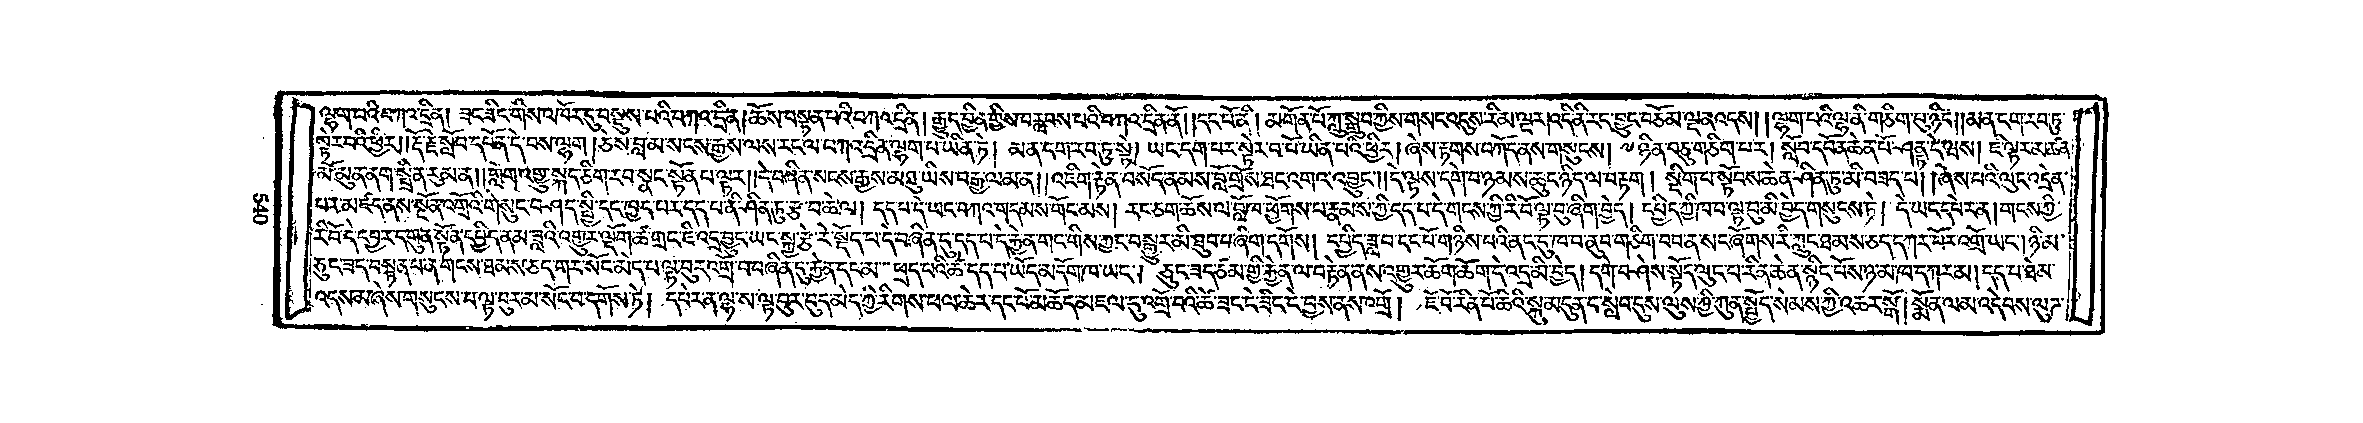ལྷག་པའི་བཀའ་དྲིན། ཟང་ཟིང་གིས་འཁོར་དུ་བསྡུས་པའི་བཀའ་དྲིན། ཆོས་བསྟན་པའི་བཀའ་དྲིན། རྒྱུད་བྱིན་གྱིས་བརླབས་པའི་བཀའ་དྲིན་ནོ། །དང་པོ་ནི། མགོན་པོ་ཀླུ་སྒྲུབ་ཀྱིས་གསང་འདུས་རིམ་ལྔར། འདི་ནི་རང་བྱུང་བཅོམ་ལྡན་འདས། །ལྷག་པའི་ལྷ་ནི་གཅིག་པུ་ཉིད། །མན་ངག་རབ་ཏུ་
སྟེར་བའི་ཕྱིར། །རྡོ་རྗེ་སློབ་དཔོན་དེ་བས་ལྷག །ཅེས་བླ་མ་སངས་རྒྱས་ལས་རང་ལ་བཀའ་དྲིན་ལྷག་པ་ཡིན་ཏེ། མན་ངག་རབ་ཏུ་སྟེ། ཡང་དག་པར་སྟེར་པ་པོ་ཡིན་པའི་ཕྱིར། ཞེས་རྟགས་བཀོད་ནས་གསུངས། ཉིན་བཅུ་གཅིག་པར། སློབ་དཔོན་ཆེན་པོ་ཤནྟ་དེ་ཝས། ཇི་ལྟར་མཚན་
མོ་མུན་ནག་སྤྲིན་རུམ་ན། །གློག་འགྱུ་སྐད་ཅིག་རབ་སྣང་སྟོན་པ་ལྟར། །དེ་བཞིན་སངས་རྒྱས་མཐུ་ཡིས་བརྒྱ་ལམ་ན། །འཇིག་རྟེན་བསོད་ནམས་བློ་གྲོས་ཐང་འགའ་འབྱུང་། །དེ་ལྟས་དགེ་བ་ཉམས་ཆུང་ཉིད་ལ་བརྟག །སྡིག་པ་སྟོབས་ཆེན་ཤིན་ཏུ་མི་བཟད་པ། །ཞེས་པའི་ལུང་འདྲེན་
པར་མཛད་ནས་སྔོན་འགྲོའི་གསུང་བཤད་སྤྱི་དང་ཁྱད་པར་དད་པ་ནི་ཤིན་ཏུ་རྩ་བ་ཆེ་ལ། དད་པ་དེ་ཡང་བཀའ་གདམས་གོང་མས། རང་ཅག་ཆོས་ལ་བློ་ཁ་ཕྱོགས་པ་རྣམས་ཀྱི་དད་པ་དེ་གངས་ཀྱི་རི་བོ་ལྟ་བུ་ཞིག་བྱེད། དཔྱིད་ཀྱི་ཁ་བ་ལྟ་བུ་མི་བྱེད་གསུངས་ཏེ། དེ་ཡང་དཔེར་ན། གངས་ཀྱི་
རི་བོ་དེ་དབྱར་དགུན་སྟོན་དཔྱིད་ནམ་ཟླའི་འགྱུར་ལྡོག་ཚ་གྲང་ཇི་འདྲ་བྱུང་ཡང་སྐྱ་རྩེ་རེ་སྡོད་པ་དེ་བཞིན་དུ་དད་པ་དེ་རྐྱེན་གང་གིས་ཀྱང་བསྒྱུར་མི་ཐུབ་པ་ཞིག་དགོས། དཔྱིད་ཟླ་བ་དང་པོ་གཉིས་པའི་ནང་དུ་ཁ་བ་ནུབ་གཅིག་བབ་ན་སང་ཞོགས་རི་ཀླུང་ཐམས་ཅད་དཀར་པོར་འགྲོ་ཡང་། ཉི་མ་
ཅུང་ཟད་བསྟན་པ་ན་གངས་ཐམས་ཅད་གར་སོང་མེད་པ་ལྟ་བུར་འགྲོ་བ་བཞིན་དུ་རྐྱེན་དང་མ་ཕྲད་པའི་ཚེ་དད་པ་ཡོད་མདོག་ཁ་ཡང་། ཅུང་ཟད་ཙམ་གྱི་རྐྱེན་ལ་བརྟེན་ནས་འགྱུར་ཆོག་ཆོག་དེ་འདྲ་མི་བྱེད། དགེ་བཤེས་སྟོད་ལུང་པ་རིན་ཆེན་སྙིང་པོས་ཉ་མ་ཁ་དཀར་མ། དད་པ་ཐེམ་
འདས་མ་ཞེས་གསུངས་པ་ལྟ་བུར་མ་སོང་བ་དགོས་ཏེ། དཔེར་ན་ལྷ་ས་ལྟ་བུར་བུད་མེད་ཀྱི་རིགས་ཕལ་ཆེར་དང་པོ་མཆོད་མཇལ་དུ་འགྲོ་བའི་ཚེ་ཟང་ངེ་ཟིང་ངེ་བྱས་ནས་འགྲོ་།ཇོ་བོ་རིན་པོ་ཆེའི་སྐུ་མདུན་ང་སླེབ་དུས་ལུས་ཀྱི་ཀུན་སྤྱོད་སེམས་ཀྱི་འཆར་སྒོ །སྨོན་ལམ་འདེབས་ལུགས་